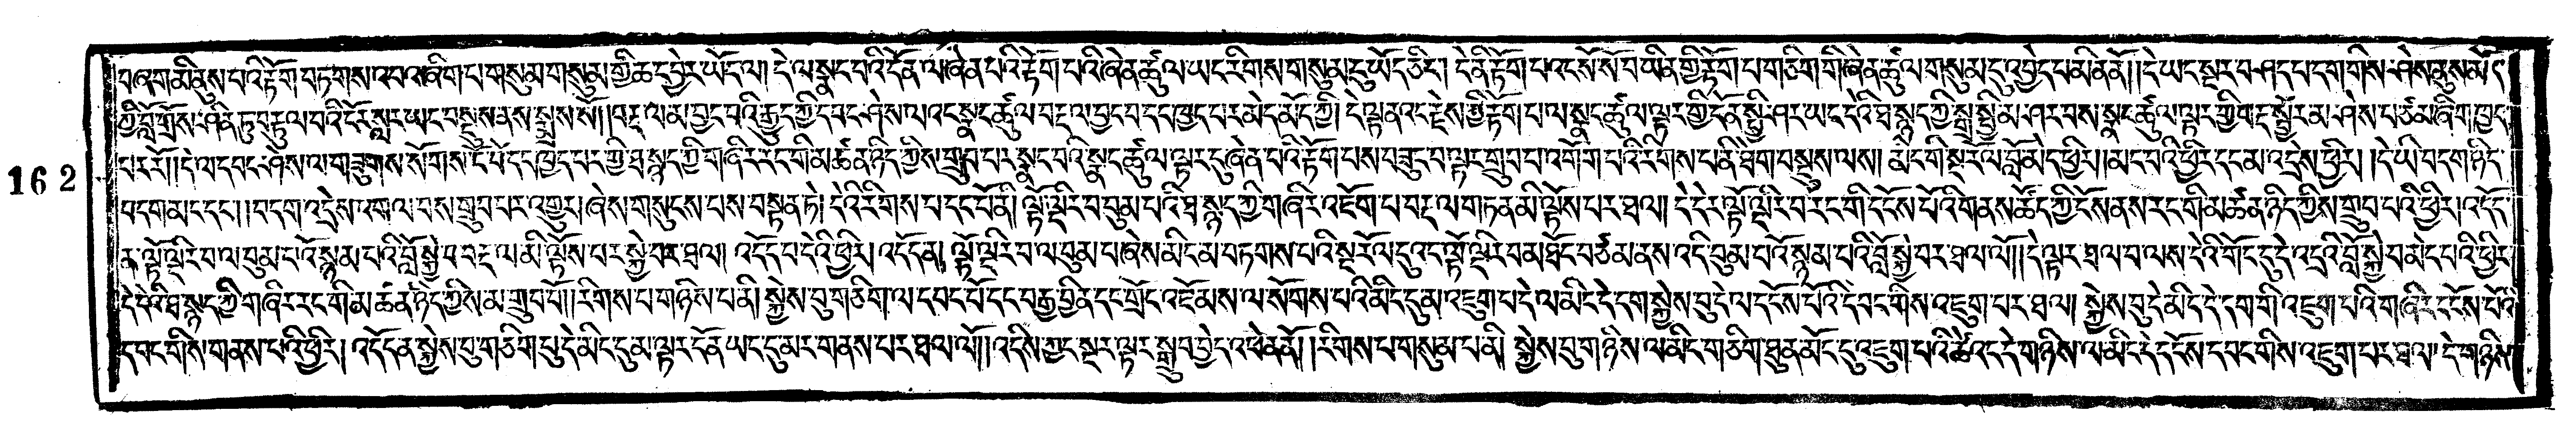བཞག་མི་ནུས་པའི་རྟོག་བཏགས་འབའ་ཞིག་པ་གསུམ་གསུམ་གྱི་ཆ་དབྱེར་ཡོད་ལ། དེ་ལ་སྣང་བའི་དོན་ལ་ཞེན་པའི་རྟོག་པའི་ཞེན་ཚུལ་ཡང་རིགས་གསུམ་དུ་ཡོད་ཅིང་། དེ་ནི་རྟོག་པའང་སོ་སོ་བ་ཡིན་གྱི་རྟོག་པ་གཅིག་གི་ཞེན་ཚུལ་གསུམ་དུ་འབྱེད་པ་མིན་ནོ། །དེ་ཡང་སྔར་བཤད་པ་དག་གིས་ཤེས་ནུས་མེད་
ཀྱི་བློ་གྲོས་ཤིན་ཏུ་བརྟུལ་བའི་ངོར་སླར་ཡང་བསྡུས་ནས་སྨྲས་སོ། །བརྡ་ལ་མ་བྱང་བའི་རྒྱུད་ཀྱི་དབང་ཤེས་ལའང་སྣང་ཚུལ་བརྡ་ལ་བྱང་བ་དང་ཁྱད་པར་མེད་མོད་ཀྱི། དེ་ལྟ་ནའང་རྗེས་ཀྱི་རྟོག་པ་ལ་སྣང་ཚུལ་ལྟར་གྱི་དོན་སྤྱི་ཤར་ཡང་དེའི་ཐ་སྙད་ཀྱི་སྒྲ་སྤྱི་མ་ཤར་བས་སྣང་ཚུལ་གྱི་བརྡ་སྦྱོར་མ་ཤེས་པ་ཙམ་ཞིག་ཁྱད་
པར་རོ། །དེ་ལ་དབང་ཤེས་ལ་གཟུགས་སོགས་ངོ་བོ་དང་ཁྱད་པར་གྱི་ཐ་སྙད་ཀྱི་གཞིར་རང་གི་མཚན་ཉིད་ཀྱིས་གྲུབ་པར་སྣང་བའི་སྣང་ཚུལ་ལྟར་དུ་ཞེན་པའི་རྟོག་པས་བཟུང་བ་ལྟར་གྲུབ་པ་འགོག་པའི་རིགས་པ་ནི་ཐེག་བསྡུས་ལས། མིང་གི་སྔ་རོལ་བློ་མེད་ཕྱིར། །མང་བའི་ཕྱིར་དང་མ་འདྲེས་ཕྱིར། །དེ་ཡི་བདག་ཉིད་
བདག་མང་དང་། །བདག་འདྲེས་འགལ་བས་གྲུབ་པར་འགྱུར། ཞེས་གསུངས་པས་བསྟན་ཏེ། དེའི་རིགས་པ་དང་པོ་ནི། ལྟོ་ལྡིར་བ་བུམ་པའི་ཐ་སྙད་ཀྱི་གཞིར་འཇོག་པ་བརྡ་ལ་གཏན་མི་ལྟོས་པར་ཐལ། དེ་དེར་ལྟོ་ལྡིར་བ་རང་གི་དངོས་པོའི་གནས་ཚོད་ཀྱི་ངོས་ནས་རང་གི་མཚན་ཉིད་ཀྱིས་གྲུབ་པའི་ཕྱིར། འདོད་
ན་ལྟོ་ལྡིར་བ་ལ་བུམ་པའོ་སྙམ་པའི་བློ་སྐྱེ་བ་བརྡ་ལ་མི་ལྟོས་པར་སྐྱེ་བར་ཐལ། འདོད་བ་དེའི་ཕྱིར། འདོད་ན། ལྟོ་ལྡིར་བ་ལ་བུམ་པ་ཞེས་མིང་མ་བཏགས་པའི་སྔ་རོལ་དུའང་ལྟོ་ལྡིར་བ་མཐོང་བ་ཙམ་ནས་འདི་བུམ་པའོ་སྙམ་པའི་བློ་སྐྱེ་བར་ཐལ་ལོ། །དེ་ལྟར་ཐལ་བ་ལས་དེའི་གོང་དུ་དེ་འདྲའི་བློ་སྐྱེ་བ་མེད་པའི་ཕྱིར་
དེ་དེའི་ཐ་སྙད་ཀྱི་གཞིར་རང་གི་མཚན་ཉིད་ཀྱིས་མ་གྲུབ་བོ། །རིགས་པ་གཉིས་པ་ནི། སྐྱེས་བུ་གཅིག་ལ་དབང་པོ་དང་བརྒྱ་བྱིན་དང་གྲོང་འཇོམས་ལ་སོགས་པའི་མིང་དུ་མ་འཇུག་པ་དེ་ལ་མིང་དེ་དག་སྐྱེས་བུ་དེ་ལ་དངོས་པོའི་དབང་གིས་འཇུག་པར་ཐལ། སྐྱེས་བུ་དེ་མིང་དེ་དག་གི་འཇུག་པའི་གཞིར་དངོས་པོའི་
དབང་གིས་གནས་པའི་ཕྱིར། འདོད་ན་སྐྱེས་བུ་གཅིག་པུ་དེ་མིང་དུ་མ་ལྟར་དོན་ཡང་དུ་མར་གནས་པར་ཐལ་ལོ། །འདིས་ཀྱང་སྔར་ལྟར་སྒྲུབ་བྱེད་འཕེན་ནོ། །རིགས་པ་གསུམ་པ་ནི། སྐྱེས་བུ་གཉིས་ལ་མིང་གཅིག་ཐུན་མོང་དུ་འཇུག་པའི་ཚེའང་དེ་གཉིས་ལ་མིང་དེ་དངོས་དབང་གིས་འཇུག་པར་ཐལ་དེ་གཉིས་